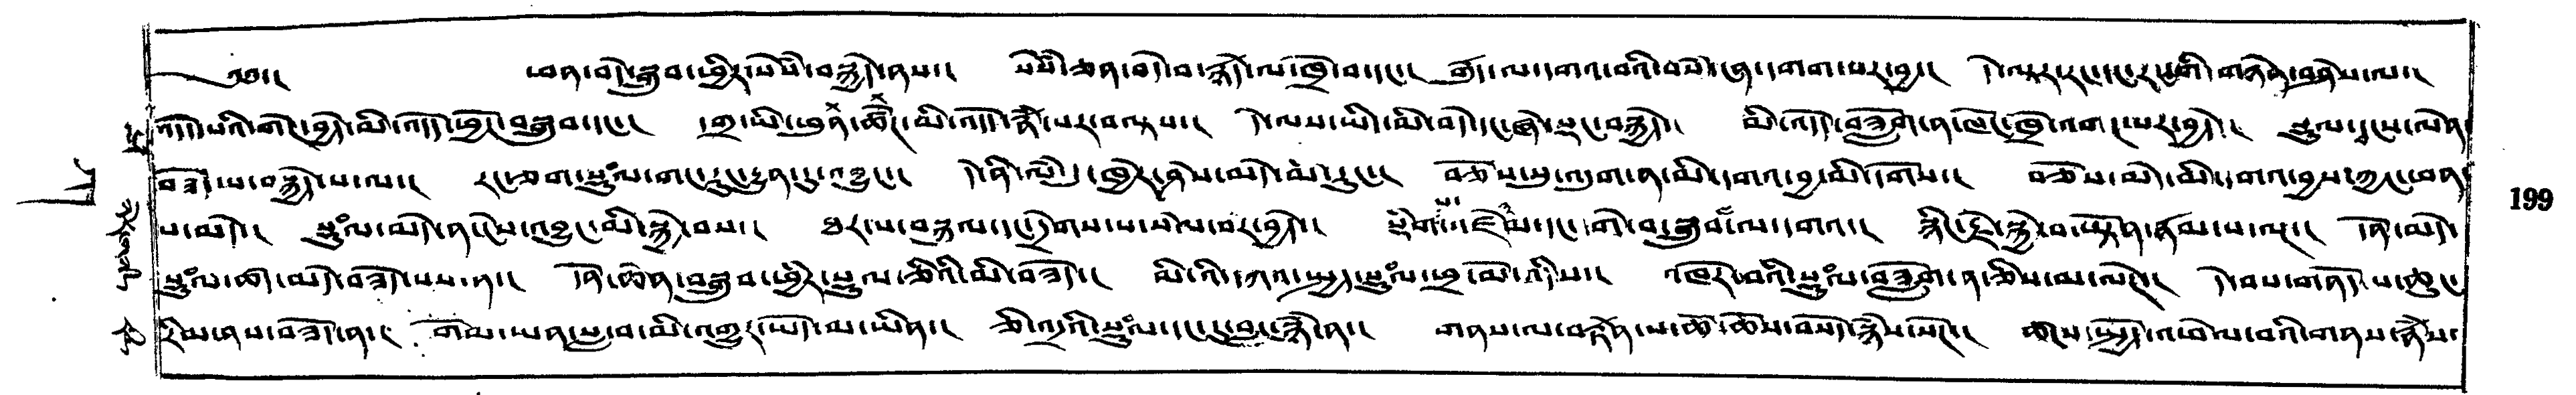ཕན་བདེ་བསྒྲུབ་ཕྱིར་སེམས་བསྐྱེད་ནས། །སེམས་ཅན་བདེ་བ་རྙེད་ལ་ཁྲོ་བ་དང་། །རྒུད་ལ་དགའ་བའི་བསམ་ངན་དགག་པར་བྱ། །དེ་ལྟར་རང་དང་རང་གི་གཉེན་བཤེས་ལ། །
འདོད་པའི་གེགས་བྱེད་མི་འདོད་ཕྱོགས་བསྒྲུབ་དང་། །དགྲ་ཡི་ཕུན་ཚོགས་མི་འདོད་རྣམ་པར་བལྟས། །དེ་ལས་ཡིད་མི་བདེ་དང་ཞེ་སྡང་བསྐྱེད། །མི་འདོད་བཟློག་ན་ཁོང་ཁྲོ་འགག་པར་བྱེད། །སྡུག་བསྔལ་དང་ལེན་
བཟོད་པ་བསྐྱེད་པ་ལ། །རང་ཅག་སྡུག་བསྔལ་གང་རུང་རྒྱུན་དུ་འབྱུང་། །དེ་ནི་ལམ་དུ་ཁྱེར་ཤེས་མེད་མི་རུང་། །བཅོས་སུ་འདུག་ན་མི་དགའ་བྱ་མི་དགོས། །བཅོས་མེད་མི་དགའ་བྱས་ཀྱང་ཕན་
པ་མེད། །སྡུག་བསྔལ་མེད་ན་ངེས་འབྱུང་མི་སྐྱེ་བས། །ཐར་པ་བསྐུལ་དང་དྲེགས་པ་སེལ་བར་བྱེད། །སྡིག་པ་འཇོམས་དང་དགེ་བ་སྒྲུབ་ལ་དགའ། །སྙིང་རྗེ་སྐྱེ་བ་ཡོན་ཏན་རྣམ་པ་ལྔ། །དོན་མེད་
སྡུག་བསྔལ་ཚད་མེད་བཟོད་པས་ན། །དོན་ཆེན་བསྒྲུབ་ཕྱིར་སྡུག་བསྔལ་ཅིའི་མི་བཟོད། །མི་ཡི་དཀའ་སྤྱད་སྡུག་བསྔལ་ཕྲ་མོ་འདིས། །འཁོར་བའི་སྡུག་བསྔལ་བཟློག་ན་ཅིས་མ་ལེགས། །དེ་བས་གནོད་པ་ཆུང་
རིམ་ནས་བཟོད་ན། །གོམ་སན་སླ་བ་མི་འགྱུར་ཡོད་མ་ཡིན། །ཅི་འདྲའི་སྡུག་བསྔལ་དང་དུ་བླང་སྙམ་ན། །གནས་ལ་བརྟེན་པ་འཚོ་ཆས་བསོད་སྙོམས་སོགས། །ཚངས་སྤྱོད་འཕེལ་བའི་གནས་རྣམས་